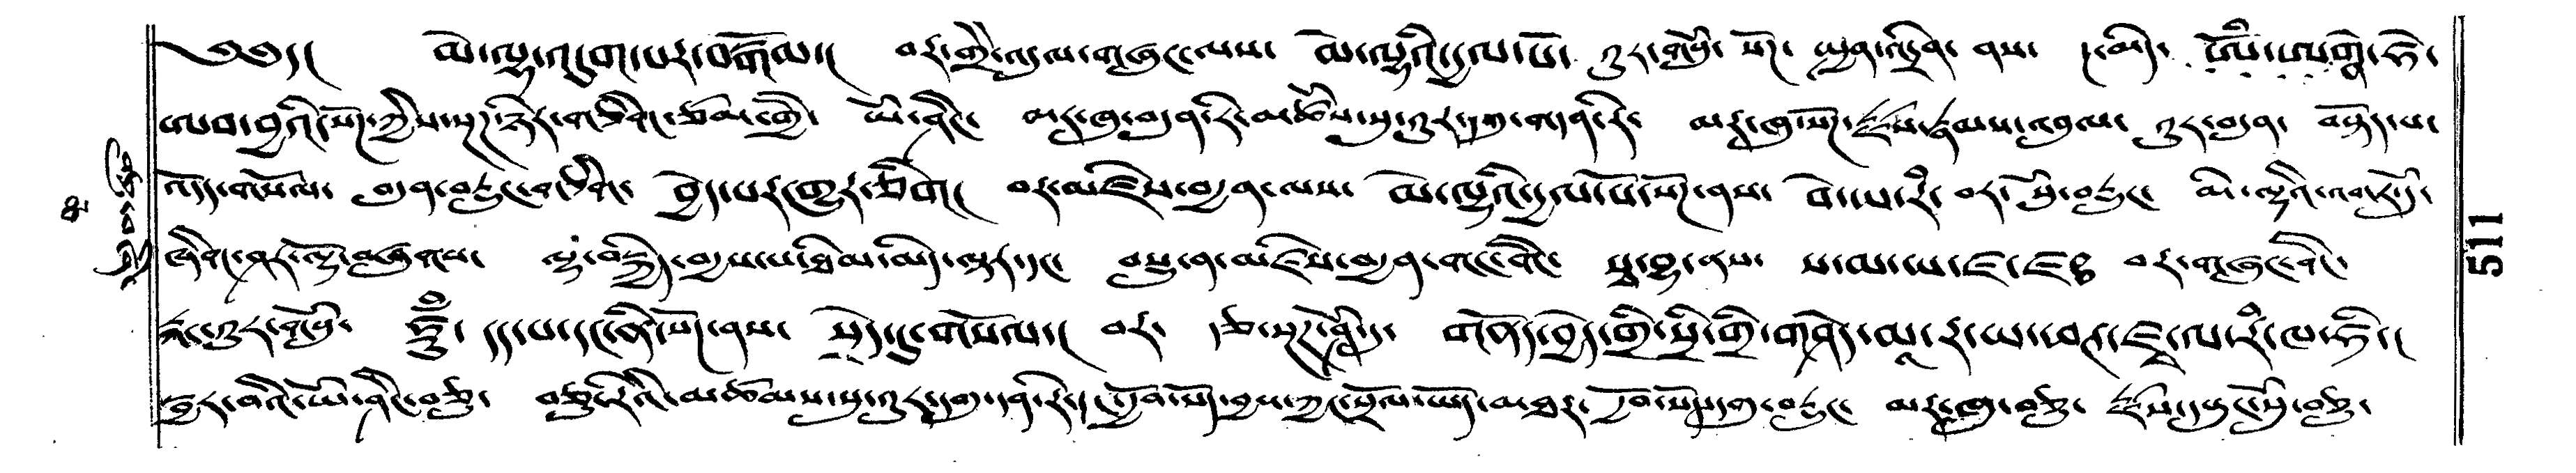མེ་ལྷ་འདུག་པར་བསྒོམ། བར་གྲི་འདུལ་གཞུང་ལས། མེ་ལྷའི་རྒྱལ་པོ༴ ( འུར་གསུམ། ) སོགས། སྤྱན་འདྲངས་ནས། ཨོཾ་མགྣེ་ཧེ་
ཨབ་བྱའི༴ སོགས་ཀྱིས་སྔགས་ཉེར་གཅིག་ཙམ་གྱིས་ཡམ་ཤིང་། མར་ཁུ་ ( བདུན་རེ་མཚམས་སུ་འུར་དགུ་གདན་རེ། མར་ཁུ་ ) སོགས་རྫས་རྣམས་འབུལ། ( འུར་བདུན། ) བསྟོད་པ། 
འདོད་གསོལ། ( བདུན་བརྡུང་གཅིག ) བྱེད་པར་གྱུར་ཅིག བར། མཛེས་བརྒྱན་ལས། མེ་ལྷའི་རྒྱལ་པོ༴ སོགས་ནས། བེ་ཡ་རྃ། བར། ( སུམ་བརྡུང་། ) མེ་ལྷའི་འགལ་དུམ་
ཞིག་ཤར་ལྷོར་བཞུགས། ལྷ་བསྐྱེད་རྒྱས་པ་ཐེམ་མེད་ལྟར་དང་། བསྡུ་ནས་མཛེས་བརྒྱན་ནང་གི སྭ་བྷ། ནས། ས་མ་ཡ་ཛ་ཛཿ བར་གཞུང་གི་ 
( རྐང་འུར་གསུམ། ) ཧཱུྃ། དད་པ་དང་ནི༴ སོགས་ནས། སྲེག་ཏུ་གསོལ། བར། རྩ་སྔགས་གཤམ་དུ། གནོད་བྱེད་གྲི་སྲི་གྲི་གཤེད་མཱ་ར་ཡ་ཕཊ་ཛྭ་ལ་རཾ་ཁ་ཧི་
སྦྱར་བའི་ཡམ་ཤིང་བཅུ། ( བཅུ་རེའི་མཚམས་སུ་འུར་དགུ་དརན་རེ་དང་རྒྱོབ་སོད་བྱས་ཀྱང་སྲོལ་ཡོད་མཐར། རྒྱོབ་སོད་དགུ་བརྡུང་། ) མར་ཁུ་བཅུ། རྫས་སྤུངས་སུམ་ཅུ།